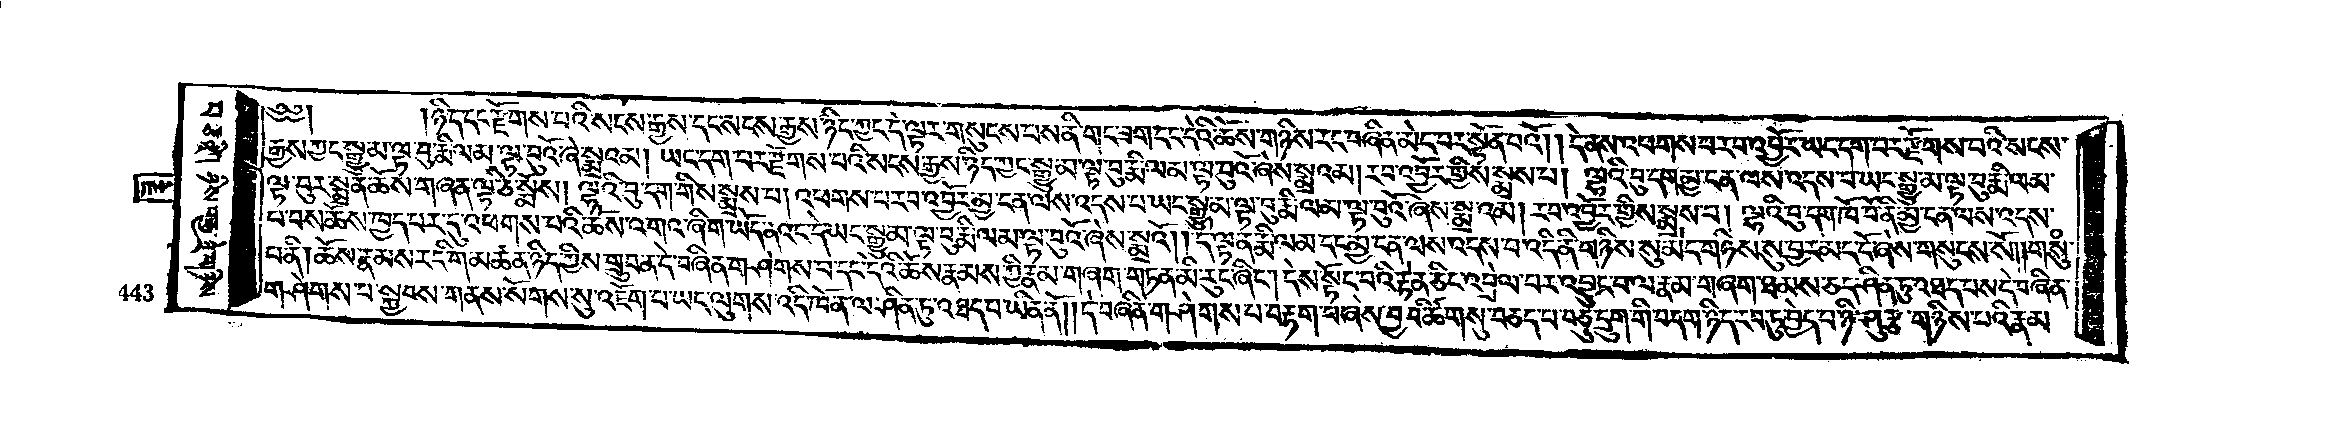༄༅། །ཉིད་དང་རྫོགས་པའི་སངས་རྒྱས་དང་སངས་རྒྱས་ཉིད་ཀྱང་དེ་ལྟར་གསུངས་པས་ནི་གང་ཟག་དང་དེའི་ཆོས་གཉིས་རང་བཞིན་མེད་པར་སྟོན་པའོ། །དེ་ནས་འཕགས་པ་རབ་འབྱོར་ཡང་དག་བར་རྫོགས་པའི་སངས་
རྒྱས་ཀྱང་སྒྱུ་མ་ལྟ་བུ་རྨི་ལམ་ལྟ་བུའོ་ཞེ་སྨྲའམ། ཡང་དག་པར་རྫོགས་པའི་སངས་རྒྱས་ཉིད་ཀྱང་སྒྱུ་མ་ལྟ་བུ་རྨི་ལམ་ལྟ་བུའོ་ཞེས་སྨྲའམ། རབ་འབྱོར་གྱིས་སྨྲས་པ། ལྷའི་བུ་དག་མྱ་ངན་ལས་འདས་པ་ཡང་སྒྱུ་མ་ལྟ་བུ་རྨི་ལམ་
ལྟ་བུར་སྨྲན་ཆོས་གཞན་ལྟ་ཅི་སྨོས། ལྷའི་བུ་དག་གིས་སྨྲས་པ། འཕགས་པ་རབ་འབྱོར་མྱ་ངན་ལས་འདས་པ་ཡང་སྒྱུ་མ་ལྟ་བུ་རྨི་ལམ་ལྟ་བུའོ་ཞེས་སྨྲ་འམ། རབ་འབྱོར་གྱིས་སྨྲས་པ། ལྷའི་བུ་དག་ཁོ་བོ་ནི་མྱ་ངན་ལས་འདས་
པ་བས་ཆོས་ཁྱད་པར་དུ་འཕགས་པའི་ཆོས་འགའ་ཞིག་ཡོད་ནའང་དེ་ཡང་སྒྱུ་མ་ལྟ་བུ་རྨི་ལམ་ལྟ་བུའོ་ཞེས་སྨྲའོ། །དེ་ལྟ་ན་རྨི་ལམ་དང་མྱ་ངན་ལས་འདས་པ་འདི་ནི་གཉིས་སུ་མེད་གཉིས་སུ་བྱར་མེད་དོ་ཞེས་གསུངས་སོ། །གསུཾ་
པ་ནི། ཆོས་རྣམས་རང་གི་མཚན་ཉིད་ཀྱིས་གྲུབ་ན་དེ་བཞིན་གཤེགས་པ་དང་དེའི་ཆོས་རྣམས་ཀྱི་རྣམ་གཞག་གཏན་མི་རུང་ཞིང་། དེས་སྟོང་བའི་རྟེན་ཅིང་འབྲེལ་བར་འབྱུང་བ་ལ་རྣམ་གཞག་ཐམས་ཅད་ཤིན་ཏུ་འཐད་པས་དེ་བཞིན་
གཤེགས་པ་སྐྱབས་གནས་སོགས་སུ་འཇོག་པ་ཡང་ལུགས་འདི་ཁོ་ན་ལ་ཤིན་ཏུ་འཐད་པ་ཡིན་ནོ། །དེ་བཞིན་གཤེགས་པ་བརྟག་པ་ཞེས་བྱ་བ་ཚིགས་སུ་བཅད་པ་བཅུ་དྲུག་གི་བདག་ཉིད་རབ་ཏུ་བྱེད་པ་ཉི་ཤུ་རྩ་གཉིས་པའི་རྣམ་